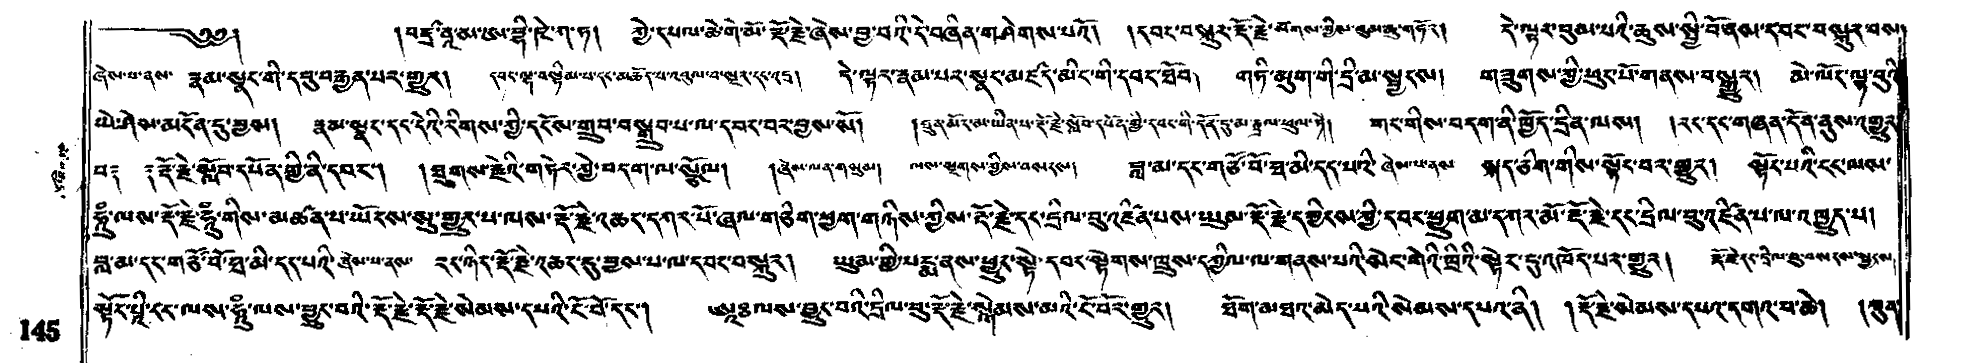༄༅། །བཛྲ་ནཱ་མ་ཨ་བྷི་ཥེ་ཀ་ཏ། ཀྱེ་དཔལ་ཆེ་གེ་མོ་རྡོ་རྗེ་ཞེས་བྱ་བའི་དེ་བཞིན་གཤེགས་པའོ། །དབང་བསྐུར་རྡོ་རྗེ་སོགས་ཀྱིས་བུམ་ཆུ་གཏོར།  དེ་ལྟར་བུམ་པའི་ཆུས་སྤྱི་བོ་ནས་དབང་བསྐུར་བས་
ཞེས་པ་ནས་རྣམ་སྣང་གི་དབུ་བརྒྱན་པར་གྱུར། དབང་ལྷ་བསྟིམ་པ་དང་མཆོད་པ་འབུལ་བ་སྔར་དང་འདྲ།  དེ་ལྟར་རྣམ་པར་སྣང་མཛད་མིང་གི་དབང་ཐོབ། གཏི་མུག་གི་དྲི་མ་སྦྱངས། གཟུགས་ཀྱི་ཕུང་པོ་གནས་བསྒྱུར། མེ་ལོང་ལྟ་བུའི་
ཡེ་ཤེས་མངོན་དུ་བྱས། རྣམ་སྣང་དང་དེའི་རིགས་ཀྱི་དངོས་གྲུབ་བསྒྲུབ་པ་ལ་དབང་བར་བྱས་སོ། །ཐུན་མོང་མ་ཡིན་པ་རྡོ་རྗེ་སློབ་དཔོན་གྱི་དབང་གི་དོན་དུ་མཎྜལ་ཕུལ་ཏེ།  གང་གིས་བདག་ནི་ཁྱོད་དྲིན་ལས། །རང་དང་གཞན་དོན་ནུས་འགྱུར་
བ༑ ༑རྡོ་རྗེ་སློབ་དཔོན་གྱི་ནི་དབང་། །ཐུགས་རྗེའི་གཏེར་ཀྱེ་བདག་ལ་སྩོལ། །ཞེས་ལན་གསུམ། ལས་སྔགས་ཀྱིས་བསངས།  བླ་མ་དང་གཙོ་བོ་ཐ་མི་དད་པའི་ཞེས་པ་ནས་སྐད་ཅིག་གིས་སྟོང་བར་གྱུར། སྟོང་པའི་ངང་ལས་
ཧཱུཾ་ལས་རྡོ་རྗེ་ཧཱུཾ་གིས་མཚན་པ་ཡོངས་སུ་གྱུར་པ་ལས་རྡོ་རྗེ་འཆང་དཀར་པོ་ཞལ་གཅིག་ཕྱག་གཉིས་ཀྱིས་རྡོ་རྗེ་དང་དྲིལ་བུ་འཛིན་པས་ཡུལ་རྡོ་རྗེ་དབྱིངས་ཀྱི་དབང་ཕྱུག་མ་དཀར་མོ་རྡོ་རྗེ་དང་དྲིལ་བུ་འཛིན་པ་ལ་འཁྱུད་པ།
བླ་མ་དང་གཙོ་བོ་ཐ་མི་དད་པའི་ཞེས་པ་ནས་རང་ཉིད་རྡོ་རྗེ་འཆང་དུ་བྱས་པ་ལ་དབང་བསྐུར། ཡུམ་གྱི་པདམ་ནས་ཕྱུང་སྟེ་དབང་སྟེགས་ཁྲུས་དཀྱིལ་ལ་གནས་པའི་སེང་གེའི་ཁྲིའི་སྟེང་དུ་འཁོད་པར་གྱུར། རྡོ་རྗེ་དང་དྲིལ་བུ་བསངས་སྦྱངས།
སྟོང་པཱི་ངང་ལས་ཧཱུཾ་ལས་བྱུང་བའི་རྡོ་རྗེ་རྡོ་རྗེ་སེམས་དཔའི་ངོ་བོ་དང་། ཨཱཿ ལས་བྱུང་བའི་དྲིལ་བུ་རྡོ་རྗེ་སྙེམས་མའི་ངོ་བོར་གྱུར། ཐོག་མཐའ་མེད་པའི་སེམས་དཔའ་ནི། །རྡོ་རྗེ་སེམས་དཔའ་དགའ་བ་ཆེ། །ཀུན་